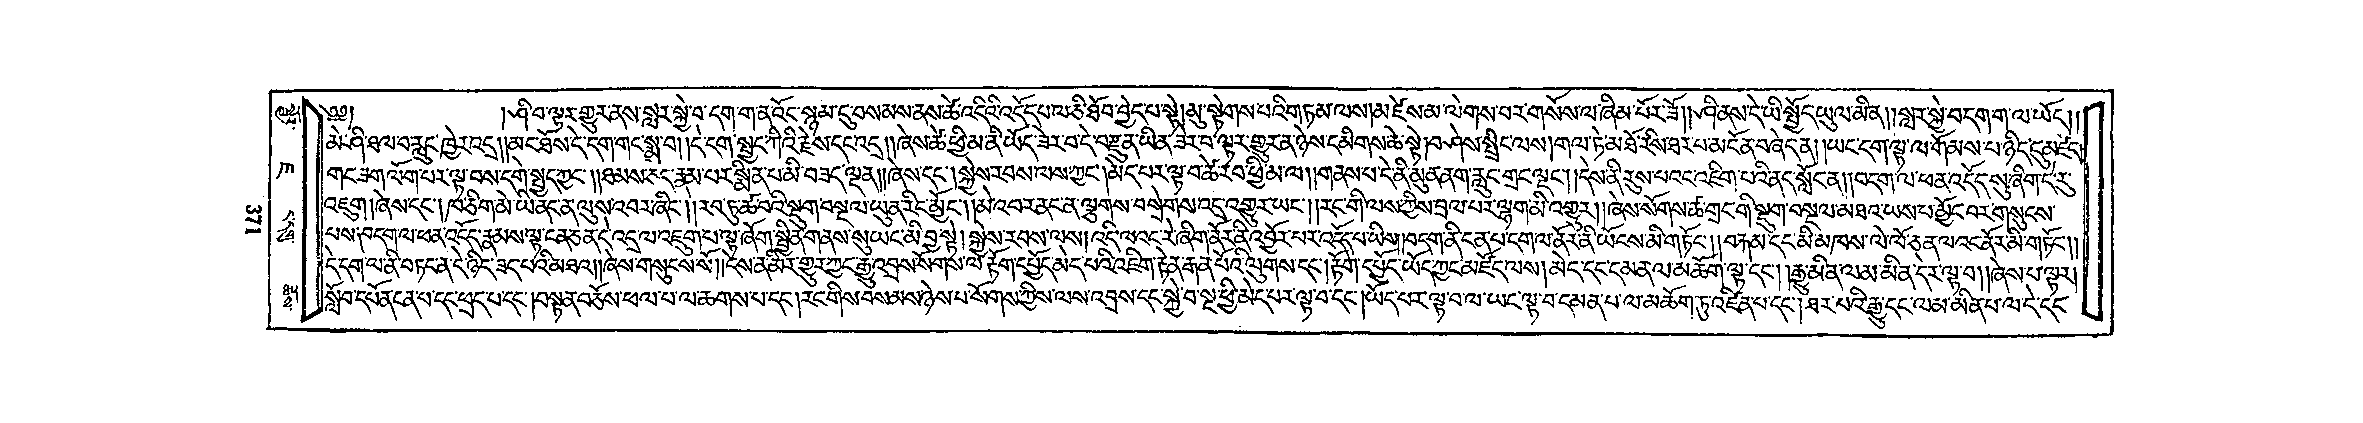༄༅། །ཤི་བ་ལྟར་གྱུར་ནས་སླར་སྐྱེ་བ་དག་ག་ན་འོང་སྙམ་དུ་བསམས་ནས་ཚེ་འདིའི་འདོད་པ་ལ་ཅི་ཐོབ་བྱེད་པ་སྟེ། མུ་སྟེགས་པའི་གཏམ་ལས། མཛེས་མ་ལེགས་པར་གསོས་ལ་ཞིམ་པོར་ཟོ། །ཤི་ནས་དེ་ཡི་སྤྱོད་ཡུལ་མིན། །སླར་སྐྱེ་བདག་ག་ལ་ཡོད། །
མེ་ཤི་ཐལ་བ་རླུང་ཁྱེར་འདྲ། །མང་ཐོས་དེ་དག་གང་སྨྲ་བ། །དེ་དག་སྤྱང་ཀིའི་རྗེས་དང་འདྲ། །ཞེས་ཚེ་ཕྱི་མ་ནི་ཡོད་ཟེར་བ་དེ་བརྫུན་ཡིན་ཟེར་བ་ལྟར་གྱུར་ན་ཉེས་དམིགས་ཆེ་སྟེ། བཤེས་སྤྲིང་ལས། གལ་ཏེ་མཐོ་རིས་ཐར་པ་མངོན་བཞེད་ན། །ཡང་དག་ལྟ་ལ་གོམས་པ་ཉིད་དུ་མཛད་
གང་ཟག་ལོག་པར་ལྟ་བས་དགེ་སྤྱད་ཀྱང་། །ཐམས་ཅད་རྣམ་པར་སྨིན་པ་མི་བཟད་ལྡན། །ཞེས་དང་། སྐྱེས་རབས་ལས་ཀྱང་། མེད་པར་ལྟ་བ་ཚེ་རབ་ཕྱི་མ་ལ། །གནས་པ་དེ་ནི་མུན་ནག་རླུང་གྲང་ལྡང་། །དེས་ནི་རུས་པའང་འཇིག་པའི་ནད་སློང་ན། །བདག་ལ་ཕན་འདོད་སུ་ཞིག་དེ་རུ་
འཇུག །ཞེས་དང་། ཁ་ཅིག་མེ་ཡི་ནང་ན་ལུས་འབར་ཞིང་། །རབ་ཏུ་ཚ་བའི་སྡུག་བསྔལ་ཡུན་རིང་མྱོང་། །མེ་འབར་ནང་ན་ལྕགས་བསྲེགས་འདྲ་འགྱུར་ཡང་། །རང་གི་ལས་ཀྱིས་བྲལ་པར་ལྷག་མི་འགྱུར། །ཞེས་སོགས་ཚ་གྲང་གི་སྡུག་བསྔལ་མཐའ་ཡས་པ་མྱོང་བར་གསུངས་
པས། བདག་ལ་ཕན་འདོད་རྣམས་ལྟ་ངན་ཅན་དེ་འདྲ་ལ་འཇུག་པ་ལྟ་ཞོག་སྦྱིན་གནས་སུ་ཡང་མི་བྱ་སྟེ། སྐྱེས་རབས་ལས། འདི་ལའང་རེ་ཞིག་ནོར་ནི་འབྱོར་པར་འདོད་པ་ཡིས། །བདག་ནི་ངན་པ་དག་ལ་ནོར་ནི་ཡོངས་མི་གཏོང་། །བརྐམ་དང་མི་མཁས་ལེ་ལོ་ཅན་ལའང་ནོར་མི་གཏོང་། །
དེ་དག་ལ་ནི་བཏང་ན་དེ་ཉིད་ཟད་པའི་མཐའ། །ཞེས་གསུངས་སོ། །དེས་ན་མིར་གྱུར་ཀྱང་རྒྱུ་འབྲས་སོགས་ལ་རྟོག་དཔྱོད་མེད་པའི་འཇིག་རྟེན་རྒན་པོའི་ལུགས་དང་། རྟོག་དཔྱོད་ཡོད་ཀྱང་མཛོད་ལས། མེད་དང་དམན་ལ་མཆོག་ལྟ་དང་། །རྒྱུ་མིན་ལམ་མིན་དེར་ལྟ་བ། །ཞེས་པ་ལྟར།
སློབ་དཔོན་ངན་པ་དང་ཕྲད་པ་དང་། བསྟན་བཅོས་ཕལ་པ་ལ་ཆགས་པ་དང་། རང་གིས་བསམས་ཉེས་པ་སོགས་ཀྱིས་ལས་འབྲས་དང་སྐྱེ་བ་སྔ་ཕྱི་མེད་པར་ལྟ་བ་དང་། ཡོད་པར་ལྟ་བ་ལ་ཡང་ལྟ་བ་དམན་པ་ལ་མཆོག་ཏུ་འཛིན་པ་དང་། ཐར་པའི་རྒྱུ་དང་ལམ་མིན་པ་ལ་དེ་དང་